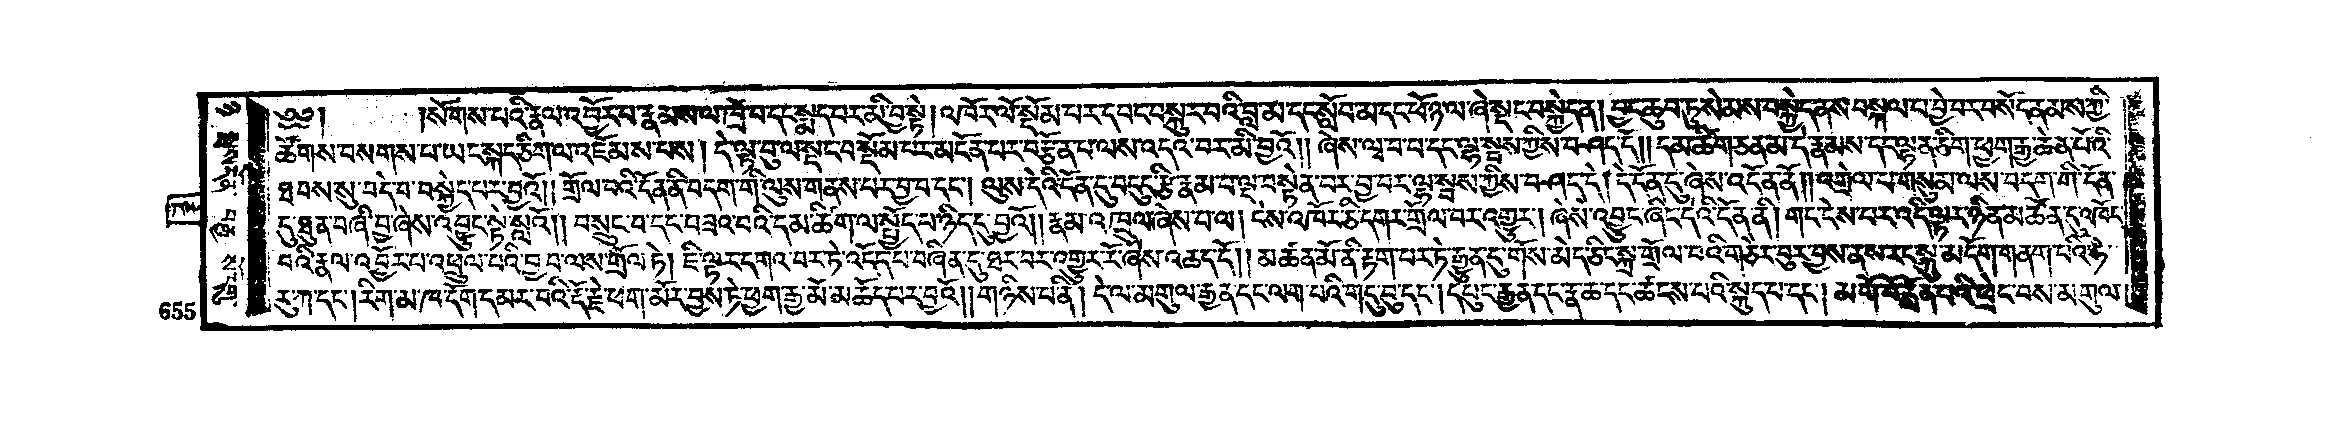༄༅། །སོགས་པའི་རྣལ་འབྱོར་པ་རྣམས་ལ་ཁྲོ་བ་དང་སྨད་པར་མི་བྱ་སྟེ། འཁོར་ལོ་སྡོམ་པར་དབང་བསྐུར་བའི་བླ་མ་དང་སློབ་མ་དང་ཕོ་ཉ་ལ་ཞེ་སྡང་བསྐྱེད་ན། བྱང་ཆུབ་ཏུ་སེམས་བསྐྱེད་ནས་བསྐལ་པ་བྱེ་བར་བསོད་ནམས་ཀྱི་
ཚོགས་བསགས་པ་ཡང་སྐད་ཅིག་ལ་འཇོམས་པས། དེ་ལྟ་བུ་ལ་སྡང་བ་སྡོམ་པར་མངོན་པར་བརྩོན་པ་ལས་འདའ་བར་མི་བྱའོ། །ཞེས་ལྭ་བ་པ་དང་ལྷ་སྦས་ཀྱིས་བཤད་དོ། །དམ་ཚིག་ཅན་མ་དེ་རྣམས་དང་ལྷན་ཅིག་ཕྱག་རྒྱ་ཆེན་པོའི་
ཐབས་སུ་བདེ་བ་བསྐྱེད་པར་བྱའོ། །གྲོལ་བའི་དོན་ནི་བདག་གི་ལུས་གནས་པར་བྱ་བ་དང་། ལུས་དེའི་དོན་དུ་བདུད་རྩི་རྣམ་པ་ལྔ་བསྟེན་པར་བྱ་བར་ལྷ་སྦས་ཀྱིས་བཤད་དེ། དེ་དོན་དུ་ཞེས་འདོན་ནོ། །འགྲེལ་པ་གསུམ་ལས་བདག་གི་དོན་
དུ་ཐུན་བཞི་བྱ་ཞེས་འབྱུང་སྟེ་སླའོ། །བསྲུང་བ་དང་བཟའ་བའི་དམ་ཚིག་ལ་སྤྱོད་པ་ཉིད་དུ་བྱའོ། །རྣམ་འཁྲུལ་ཞེས་པ་ལ། ངེས་འཁོར་ཅི་དགར་གྲོལ་བར་འགྱུར། ཞེས་འབྱུང་ཞིང་དེའི་དོན་ནི། གང་ངེས་པར་འདི་ལྟར་ཉིན་མཚན་དུ་འཁོར་
བའི་རྣལ་འབྱོར་པ་འཕྲུལ་པའི་བྱ་བ་ལས་གྲོལ་ཏེ། ཇི་ལྟར་དགའ་བར་ཏེ་འདོད་པ་བཞིན་དུ་ཐར་བར་འགྱུར་རོ་ཞེས་འཆད་དོ། །མཚན་མོ་ནི་རྟག་པར་ཏེ་རྒྱུན་དུ་གོས་མེད་ཅིང་སྐྲ་གྲོལ་བའི་གཅེར་བུར་བྱས་ནས་རང་སྐུ་མདོག་གནག་པའི་ཧེ་
རུ་ཀ་དང་། རིག་མ་ཁ་དོག་དམར་བའི་རྡོ་རྗེ་ཕག་མོར་བྱས་ཏེ་ཕྱག་རྒྱ་མོ་མཆོད་པར་བྱའོ། །གཉིས་པ་ནི། དེ་ལ་མགུལ་རྒྱན་དང་ལག་པའི་གདུ་བུ་དང་། དཔུང་རྒྱན་དང་རྣ་ཆ་དང་ཚངས་པའི་སྐུད་པ་དང་། མགོ་བོ་རློན་པའི་ཕྲེང་བས་མགུལ་